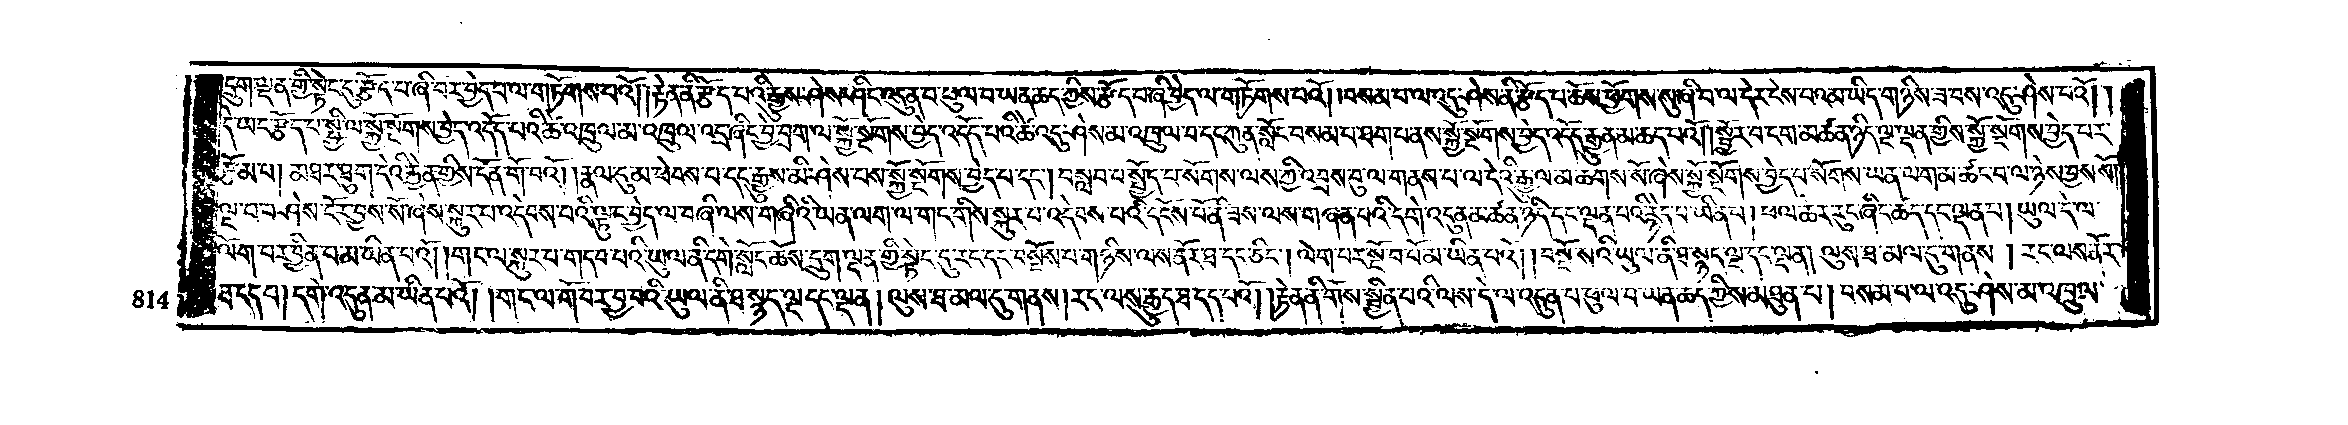དྲུག་ལྡན་གྱི་སྟེང་དུ་རྩོད་པ་ཞི་བར་བྱེད་པ་ལ་གཏོགས་པའོ། །རྟེན་ནི་རྩོད་པའི་རྒྱུས་ཤེས་ཤིང་འདུན་པ་ཕུལ་བ་ཡན་ཆད་ཀྱིས་རྩོད་པ་ཞི་བྱེད་ལ་གཏོགས་པའོ། །བསམ་པ་ལ་འདུ་ཤེས་ནི་རྩོད་པ་ཆོས་ཕྱོགས་སུ་ཞི་བ་ལ་དེར་ངེས་པའམ་ཡིད་གཉིས་ཟ་བས་འདུ་ཤེས་པའོ། །
དེ་ཡང་རྩོད་པ་སྤྱི་ལ་སྐྱོ་སྔོགས་བྱེད་འདོད་པའི་ཚེ་འཁྲུལ་མ་འཁྲུལ་འདྲ་ཞིང་བྱེ་བྲག་ལ་སྐྱོ་སྔོགས་བྱེད་འདོད་པའི་ཚེ་འདུ་ཤེས་མ་འཁྲུལ་བ་དང་ཀུན་སློང་བསམ་པ་ཐག་པ་ནས་སྐྱོ་སྔོགས་བྱེད་འདོད་རྒྱུན་མ་ཆད་པའོ། །སྦྱོར་བ་དག་མཚན་ཉིད་ལྔ་ལྡན་གྱིས་སྐྱོ་སྔོགས་བྱེད་པར་
རྩོམ་པ། མཐར་ཐུག་དེའི་རྐྱེན་གྱིས་དོན་གོ་བའོ། །རྣལ་དུ་མ་ཕེབས་པ་དང་རྒྱུས་མི་ཤེས་པས་སྐྱོ་སྔོགས་བྱེད་པ་དང་། བསླབ་པ་སྤྱོད་པ་སོགས་ལས་ཀྱི་འབྲས་བུ་ལ་གནས་པ་ལ་དེའི་རྒྱུ་ལ་མ་ཆགས་སོ་ཞེས་སྐྱོ་སྔོགས་བྱེད་པ་སོགས་ཡན་ལག་མ་ཚང་བ་ལ་ཉེས་བྱས་སོ།
ལྔ་བ་བཤེས་ངོར་བྱས་སོ་ཞེས་སྐུར་བ་འདེབས་པའི་ལྟུང་བྱེད་ལ་བཞི་ལས་གཞིའི་ཡན་ལག་ལ་གང་གིས་སྐུར་པ་འདེབས་པའི་དངོས་པོ་ནི་ཟས་ལས་གཞན་པའི་དགེ་འདུན་མཚན་ཉིད་དང་ལྡན་པའི་རྙེད་པ་ཡིན་པ། ཕལ་ཆེར་རུང་ཞིང་ཚད་དང་ལྡན་པ། ཡུལ་དེ་ལ་
ལོག་པར་བྱིན་པ་མ་ཡིན་པའོ། །གང་ལ་སྐུར་པ་གདབ་པའི་ཡུལ་ནི་དགེ་སློང་ཆོས་དྲུག་ལྡན་གྱི་སྟེང་དུ་རང་དང་བསྡོས་པ་གཉིས་ལས་ནོར་ཐ་དང་ཅིང་། ལེག་པར་སྔོ་བ་པོ་མ་ཡིན་པའོ། །བསྔོ་སའི་ཡུལ་ནི་ཐ་སྙད་ལྔ་དང་ལྡན། ལུས་ཐ་མལ་དུ་གནས། རང་ལས་ནོར་
ཐ་དད་པ། དགེ་འདུན་མ་ཡིན་པའོ། །གང་ལ་གོ་བར་བྱ་བའི་ཡུལ་ནི་ཐ་སྙད་ལྔ་དང་ལྡན། ལུས་ཐ་མལ་དུ་གནས། རང་ལས་རྒྱུད་ཐ་དད་པའོ། །རྟེན་ནི་གོས་སྦྱིན་པའི་ལས་དེ་ལ་འདུན་པ་ཕུལ་བ་ཡན་ཆད་ཀྱིས་མཐུན་པ། བསམ་པ་ལ་འདུ་ཤེས་མ་འཁྲུལ་